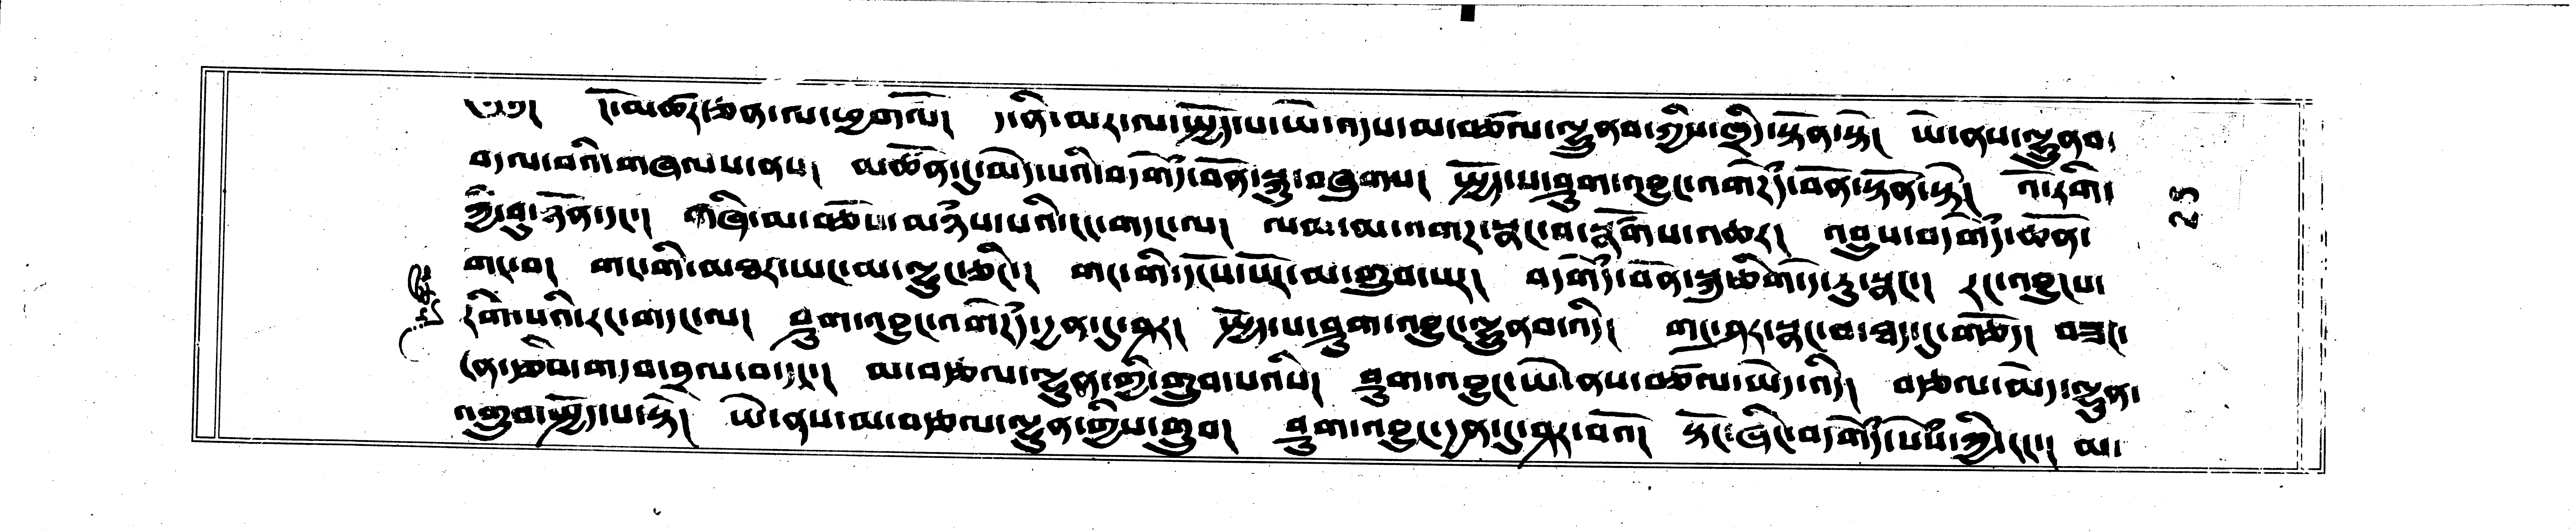ངོ་མཚར་ཅན་ལ་ཕྱག་འཚལ་ལོ། །ད་ནི་མར་ལ་སྤྱོད་པ་ཡེ་ནས་མ་བཙལ་ལྷུན་གྱིས་གྲུབ་ཀྱི་ཁྲིད་སྟོན་ཏེ། ཡེ་ནས་ལྷུན་གྲུབ་
བདལ་པའི་གཞལ་ཡས་ནས། མཚོན་དུ་མེད་པའི་བདག་མེད་བོན་སྐུ་བཞུགས། སྤྱོད་པ་ཤུགས་འབྱུང་འགག་མེད་བོན་སྟོན་ཏེ། འོ་རིགས་
ཀྱི་བུ་ཉོན་དང་། གཞི་མ་བཅོས་མཉམ་པའི་ངང་གདང་ལ། ལམ་མ་འགག་སྣང་བ་སྣ་ཚོགས་འཆར། འབྲས་བུ་བདག་མེད་ཚོན་
གང་བ། གང་གི་མཐར་ཡང་མ་ལྷུང་ཅིང་། གང་གི་དངོས་པོར་མ་གྲུབ་པར། བདག་མེད་བོན་སྐུ་ཅིག་དེ་རུ་སྣང་། རང་བྱུང་
རིག་པའི་རང་གདངས་ལ། ཤུགས་འབྱུང་འགག་མེད་རྒྱན་དུ་ཤར། སྤྱོད་པ་ཤུག་འབྱུང་ལྷུན་གྲུབ་འདི། གང་ཤར་སྣང་བ་ཐད་དུ་གཅོད། བཟང་
ངན་རྩིས་གདབ་བྲལ་བ་དང་། མ་བརྩལ་ལྷུན་གྱིས་གྲུབ་པ་ཡིས། ཤུགས་འབྱུང་ཡེ་ནས་བཙལ་མེད་འདི། བརྩལ་མེད་ལྷུན་
གྲུབ་སྤྱོད་པ་སྟེ། ཡེ་ནས་མ་བརྩལ་ལྷུན་གྱིས་གྲུབ། ཤུག་འབྱུང་རྒྱན་དུ་ཤར་བའོ། སྟོང་ཞིང་བདག་མེད་སེམས་ཀྱི་ངང་། མ་